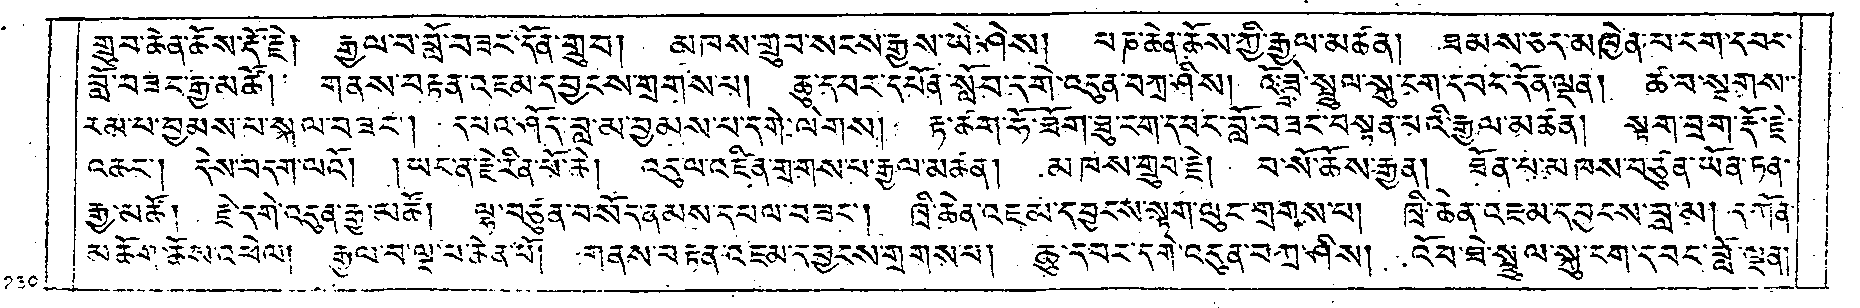གྲུབ་ཆེན་ཆོས་རྡོ་རྗེ། རྒྱལ་བ་བློ་བཟང་དོན་གྲུབ། མཁས་གྲུབ་སངས་རྒྱས་ཡེ་ཤེས། པཎ་ཆེན་ཆོས་ཀྱི་རྒྱལ་མཚན། ཐམས་ཅད་མཁྱེན་པ་ངག་དབང་
བློ་བཟང་རྒྱ་མཚོ། གནས་བརྟན་འཇམ་དབྱངས་གྲགས་པ། ཆུ་དབར་དཔོན་སློབ་དགེ་འདུན་བཀྲ་ཤིས། འོ་བ་ཐེ་སྤྲུལ་སྐུ་ངག་དབང་དོན་ལྡན། ཚ་བ་སྔགས་
རམ་པ་བྱམས་པ་སྐལ་བཟང་། དཔའ་ཤོད་བླ་མ་བྱམས་པ་དགེ་ལེགས། རྟ་ཚག་ཧོ་ཐོག་ཐུ་ངག་དབང་བློ་བཟང་བསྟན་པའི་རྒྱལ་མཚན། སྟག་བྲག་རྡོ་རྗེ་
འཆང་། དེས་བདག་ལའོ། །ཡང་ན་རྗེ་རིན་པོ་ཆེ། འདུལ་འཛིན་གྲགས་པ་རྒྱལ་མཚན། མཁས་གྲུབ་རྗེ། བ་སོ་ཆོས་རྒྱན། ཐོན་པ་མཁས་བཙུན་ཡོན་ཏན་
རྒྱ་མཚོ། རྗེ་དགེ་འདུན་རྒྱ་མཚོ། ལྷ་བཙུན་བསོད་ནམས་དཔལ་བཟང་། ཁྲི་ཆེན་འཇམ་དབྱངས་སྟག་ལུང་གྲགས་པ། ཁྲི་ཆེན་འཇམ་དབྱངས་བླ་མ། དཀོན་
མཆོག་ཆོས་འཕེལ། རྒྱལ་བ་ལྔ་པ་ཆེན་པོ། གནས་བརྟན་འཇམ་དབྱངས་གྲགས་པ། ཆུ་དབར་དགེ་འདུན་བཀྲ་ཤིས། འོབ་ཐེ་སྤྲུལ་སྐུ་ངག་དབང་བློ་ལྡན།